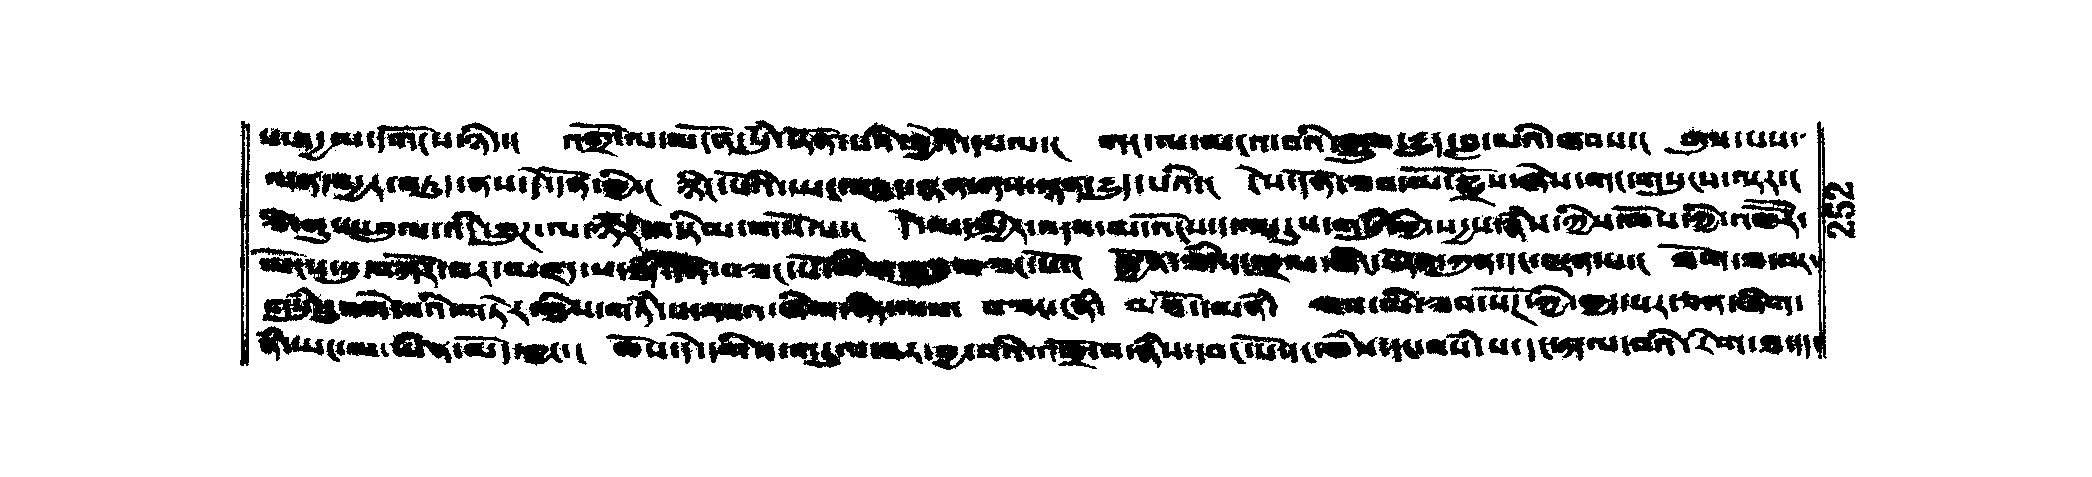པས་རྒྱལ་དགོངས་ཉིད། འགྲོ་ལ་མངོན་སུམ་སྟོན་པའི་ཕྱེའི་དཔལ། གང་ལ་མངའ་བའིསྒྲུབ་རྒྱུད་བླ་མའི་ཞབས། །གུས་པས་
ལན་བརྒྱར་གཏུད་ནས་ངེས་དོན་གྱི། །སྙིང་པོའིཡང་བཅུད་ཞལ་ནས་སྙན་རྒྱུད་པའི། །ངེས་དོན་ཟབ་མོ་སྨྲོས་ཞེས་གང་གསུངས་ལྟར། །
ཅི་ནུས་ཕུལ་འདི་ཐུགས་ལ་ཉེར་བསྟིམ་གསོལ། །དེ་ལ་སྤྱིར་འདས་མ་འོངས་ད་ལྟ་དུས་གསུམ་གྱི་སངས་རྒྱས་རྣམས་ཀྱིས་ཆོས་ཀྱི་འཁོར་ལོ་
ཡོངས་སུ་བསྐོར་བར་མཛད་པ་ཐམས་ཅད་དོན་བཟང་པོ། ཚིག་འབྲུ་བཟང་པོ། སྐྱོན་ཐམས་ཅད་དང་བྲལ་བ་ཡོན་ཏན་ཀུན་དང་ལྡན་པ། ཐོག་མཐའི་བར་
གསུམ་དུ་དགེ་བའི་གཏེར་གྱིས་གཏམ་པ་འབའ་ཞིགཉིད་ལས།བཟང་ངན་ནམ། མཐོ་དམན་ནམ། ཟབ་མི་ཟབ་སོགས་ཀྱི་ཁྱད་པར་ཅན་ཞིག་
ནི་གང་ཡང་མ་ཡིན་མོད་ཀྱང་། ཆོས་དེ་དག་གིས་གདུལ་བར་བྱ་བའི་འགྲོ་བ་རྣམས་དབང་པོ་དང་། ཁམས་དང་བསམ་པ་དང་སྐལ་བའི་རིགས་ཐ་དད་